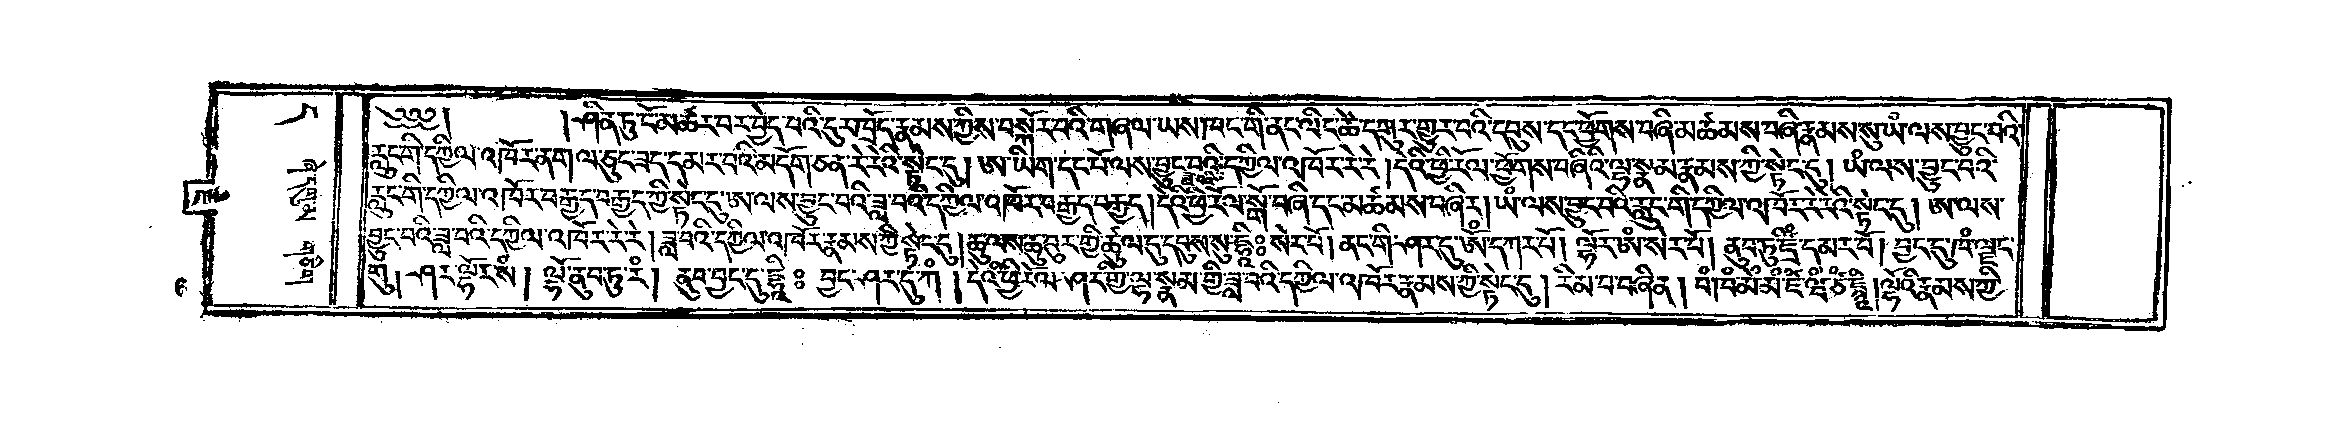༄༅༅། །ཤིན་ཏུ་ངོ་མཚར་བར་བྱེད་པའི་དུར་ཁྲོད་རྣམས་ཀྱིས་བསྐོར་བའི་གཞལ་ཡས་ཁང་གི་ནང་ལིང་ཚེ་དགུར་གྱུར་བའི་དབུས་དང་ཕྱོགས་བཞི་མཚམས་བཞི་རྣམས་སུ་ཡཾ་ལས་བྱུང་བའི་
རླུང་གི་དཀྱིལ་འཁོར་ནག་ལ་ཅུང་ཟད་དམར་བའི་མདོག་ཅན་རེ་རེའི་སྟེང་དུ། ཨ་ཡིག་དང་པོ་ལས་བྱུང་བའི་ཟླ་བའི་དཀྱིལ་འཁོར་རེ་རེ། དེའི་ཕྱི་རོལ་ཕྱོགས་བཞིའི་ལྷ་སྣམ་རྣམས་ཀྱི་སྟེང་དུ། ཡཾ་ལས་བྱུང་བའི་
རླུང་གི་དཀྱིལ་འཁོར་བརྒྱད་བརྒྱད་ཀྱི་སྟེང་དུ་ཨ་ལས་བྱུང་བའི་ཟླ་བའི་དཀྱིལ་འཁོར་བརྒྱད་བརྒྱད། དེའི་ཕྱི་རོལ་སྒོ་བཞི་དང་མཚམས་བཞིར། ཡཾ་ལས་བྱུང་བའི་རླུང་གི་དཀྱིལ་འཁོར་རེ་རེའི་སྟེང་དུ། ཨ་ལས་
བྱུང་བའི་ཟླ་བའི་དཀྱིལ་འཁོར་རེ་རེ། ཟླ་བའི་དཀྱིལ་འཁོར་རྣམས་ཀྱི་སྟེང་དུ། ཆུ་ལས་ཆུ་བུར་གྱི་ཚུལ་དུ་དབུས་སུ་དྷཱིཿ སེར་པོ། ནང་གི་ཤར་དུ་ཨོཾ་དཀར་པོ། ལྷོར་ཨཾ་སེར་པོ། ནུབ་ཏུ་ཛྲིཾ་དམར་པོ། བྱང་དུ་ཁཾ་ལྗང་
གུ །ཤར་ལྷོར་སཾ། ལྷོ་ནུབ་ཏུ་རཾ། ནུབ་བྱང་དུ་དྷཱིཿ བྱང་ཤར་དུ་ཀཾ། དེའི་ཕྱི་རོལ་ཤར་གྱི་ལྷ་སྣམ་གྱི་ཟླ་བའི་དཀྱིལ་འཁོར་རྣམས་ཀྱི་སྟེང་དུ། རིམ་པ་བཞིན། བཾ་ཁཾ་མཾ་མཾ་ཛཾ་ཝཾ་ཙཾ་ཛྙཱཾ། ལྷོའི་རྣམས་ཀྱི་